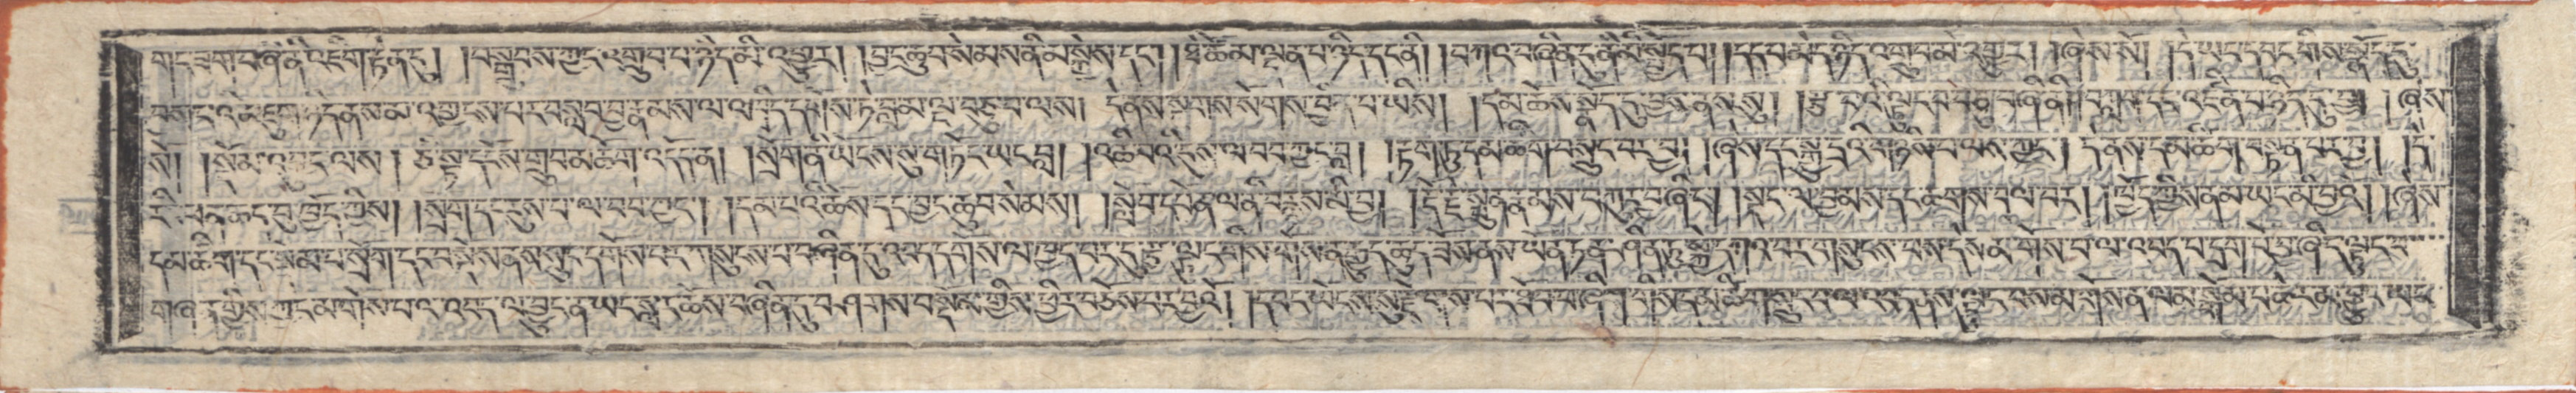གང་ཟག་བཞི་ནི་འཇིག་རྟེན་དུ། །བསྒྲུབས་ཀྱང་འགྲུབ་པ་ཉིད་མི་འགྱུར། །བྱང་ཆུབ་སེམས་ནི་མ་སྐྱེས་དང་། །ཐེ་ཚོམ་ལྡན་པ་ཉིད་དང་ནི། །བཀའ་བཞིན་དུ་ནི་མི་སྤྱོད་པ། །དད་པ་མེད་ཉིད་འགྲུབ་མི་འགྱུར། །ཞེས་སོ། །དེ་ཡང་དབང་གིས་སྣོད་དུ་
བྱས་པའི་མཇུག་ཉིད་ནས་མ་འགྱངས་པར་བསླབ་བྱ་རྣམས་ལ་འཁྲིད་དགོས་ཏེ་བླ་མ་ལྔ་བཅུ་པ་ལས། དེ་ནས་སྔགས་སོགས་བྱིན་པ་ཡིས། །དམ་ཆོས་སྣོད་དུ་བྱས་ནས་སུ། །རྩ་བའི་ལྟུང་བ་བཅུ་བཞི་ནི། །བཀླག་དང་འཛིན་པ་ཉིད་དུ་བྱ། །ཞེས་
སོ། །སྡོམ་འབྱུང་ལས། ཅི་སྟེ་དངོས་གྲུབ་མཆོག་འདོད་ན། །སྲོག་ནི་ཡོངས་སུ་གཏོང་ཡང་བླ། །འཆི་བའི་དུས་ལ་བབ་ཀྱང་བླ། །རྟག་ཏུ་དམ་ཚིག་བསྲུང་བར་བྱ། །ཞེས་དང་སྒྱུ་དྲའི་གཉིས་པ་ལས་ཀྱང་། དེ་ནས་དམ་ཚིག་བསྟན་པར་བྱ། །དེ་
རིང་ཕན་ཆད་བུ་ཁྱོད་ཀྱིས། །སྲོག་དང་རུས་པ་ལ་བབ་ཀྱང་། །དམ་པའི་ཆོས་དང་བྱང་ཆུབ་སེམས། །སློབ་དཔོན་ལ་ནི་བརྙས་མི་བྱ། །རྡོ་རྗེ་སྤུན་རྣམས་བཀུར་བྱ་ཞིང་། །སྡང་ལ་བྱམས་དང་ཆགས་བྲལ་བར། །ཁྱོད་ཀྱིས་ནམ་ཡང་མི་བྱའོ། །ཞེས་
དམ་ཚིག་དང་སྡོམ་པ་སྲོག་དང་བསྡོས་ནས་སྲུང་དགོས་པར་གསུངས་པ་བཞིན་དུ་འབད་དགོས་ལ་ཁྱད་པར་དུ་རྩ་ལྟུང་གིས་གོས་ན་རྒྱུད་ཆུད་ཟོས་ནས་ཡོན་ཏན་ཤིན་ཏུ་སྐྱེ་དཀའ་བར་གསུངས་པས་དེས་མ་གོས་པ་ལ་འབད་པ་དྲག་པོ་བྱ་ཞིང་ལྟུང་བ་
གཞན་གྱིས་ཀྱང་མ་གོས་པ་ལ་འབད་ལ་བྱུང་ན་ཡང་སླར་ཆོས་བཞིན་དུ་བཤགས་བསྡོམ་གྱིས་ཕྱིར་བཅོས་པར་བྱའོ། །དབང་ཡོངས་སུ་རྫོགས་པར་ཐོབ་པ་ཞིག་གིས་དམ་ཚིག་སྲུང་བ་ལ་འབད་ནས་ལྟུང་བས་མ་གོས་ན་ལམ་སྒོམ་པ་ཆེར་མ་བྱུང་ཡང་